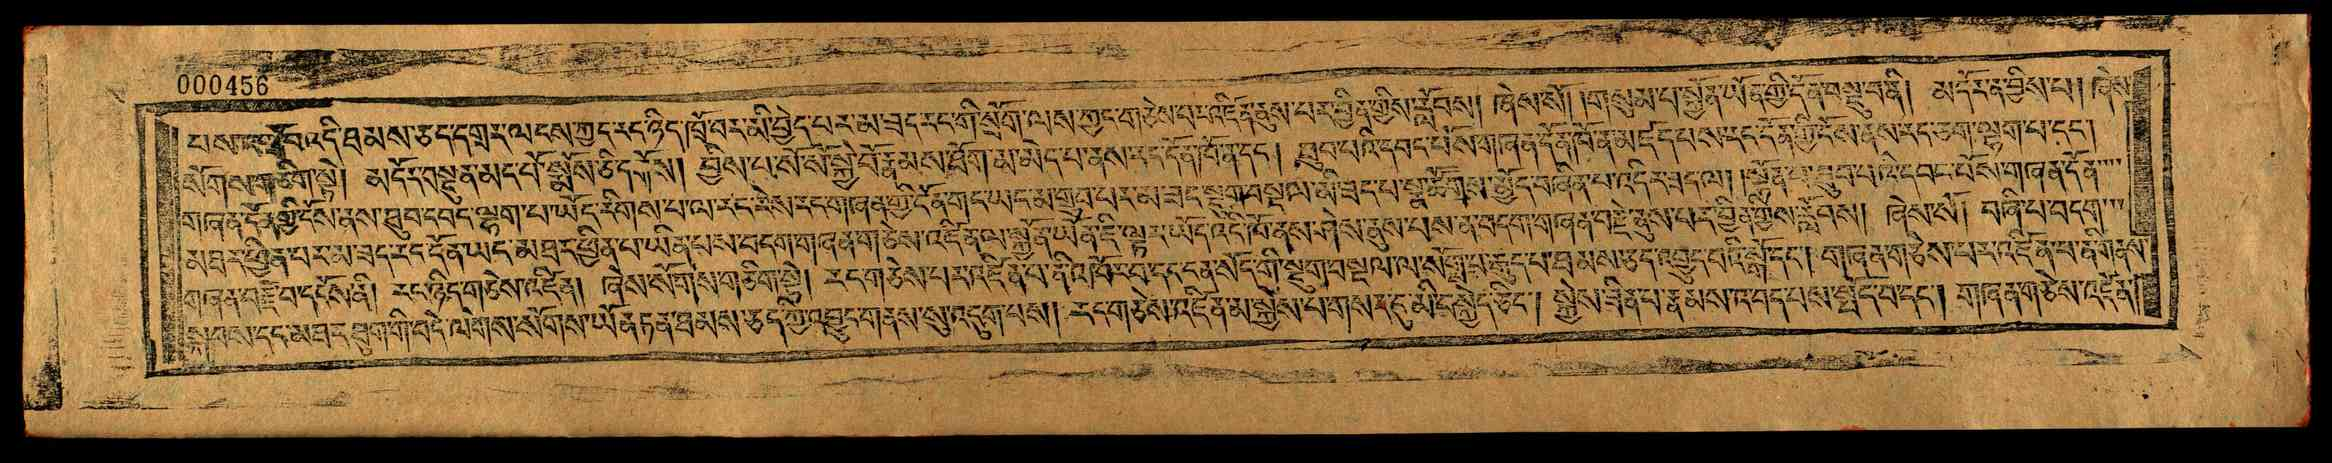པས་འགྲོ་བ་འདི་ཐམས་ཅད་དགྲར་ལངས་ཀྱང་རང་ཉིད་ཁྲོ་བར་མི་བྱེད་པར་མ་ཟད་རང་གི་སྲོག་ལས་ཀྱང་གཅེས་པར་འཛིན་ནུས་པར་བྱིན་གྱིས་རློབས། ཞེས་སོ། །གསུམ་པ་སྐྱོན་ཡོན་གྱི་དོན་བསྡུ་བ་ནི། མདོར་ན་བྱིས་པ། ཞེས་
སོགས་གཅིག་སྟེ། མདོར་བསྡུ་ན་མང་པོ་སྨོས་ཅི་དགོས། བྱིས་པ་སོ་སོ་སྐྱེ་བོ་རྣམས་ཐོག་མ་མེད་པ་ནས་རང་དོན་ཁོ་ན་དང་། ཐུབ་པའི་དབང་པོས་གཞན་དོན་ཁོ་ན་མཛད་པས་རང་དོན་གྱི་ངོས་ནས་རང་ཅག་ལྷག་པ་དང་།
གཞན་དོན་གྱི་ངོས་ནས་ཐུབ་དབང་ལྷག་པ་ཡོད་རིགས་པ་ལ་རང་རེས་རང་གཞན་གྱི་དོན་གང་ཡང་མ་གྲུབ་པར་མ་ཟད་སྡུག་བསྔལ་མི་ཟད་པ་སྣ་ཚོགས་མྱོང་བཞིན་པ་འདིར་ཟད་ལ། །སྟོན་པ་ཐུབ་པའི་དབང་པོས་གཞན་དོན་
མཐར་ཕྱིན་པར་མ་ཟད་རང་དོན་ཡང་མཐར་ཕྱིན་པ་ཡིན་པས་བདག་གཞན་གཅེས་འཛིན་ལ་སྐྱོན་ཡོན་ཇི་ལྟར་ཡོད་པ་དེ་ཁོ་ནས་ཤེས་ནུས་པས་ན་བདག་གཞན་བརྗེ་ནུས་པར་བྱིན་གྱིས་རློབས། ཞེས་སོ། བཞི་པ་བདག་
གཞན་བརྗེ་བ་དངོས་ནི། རང་ཉིད་གཅེས་འཛིན། ཞེས་སོགས་གཅིག་སྟེ། རང་གཅེས་པར་འཛིན་པ་ན་འཁོར་བ་དང་ངན་སོང་གི་སྡུག་བསྔལ་ལ་སོགས་པ་རྒུད་པ་ཐམས་ཅད་འབྱུང་བའི་སྒོ་དང་། གཞན་གཅེས་པར་འཛིན་པ་ནི་གནས་
སྐབས་དང་མཐར་ཐུག་གི་བདེ་ལེགས་སོགས་ཡོན་ཏན་ཐམས་ཅད་ཀྱི་འབྱུང་གནས་སུ་འདུག་པས། རང་གཅེས་འཛིན་མ་སྐྱེས་པ་གསར་དུ་མི་བསྐྱེད་ཅིང་། སྐྱེས་ཟིན་པ་རྣམས་འབད་པས་སྤོང་བ་དང་། གཞན་གཅེས་འཛིན་